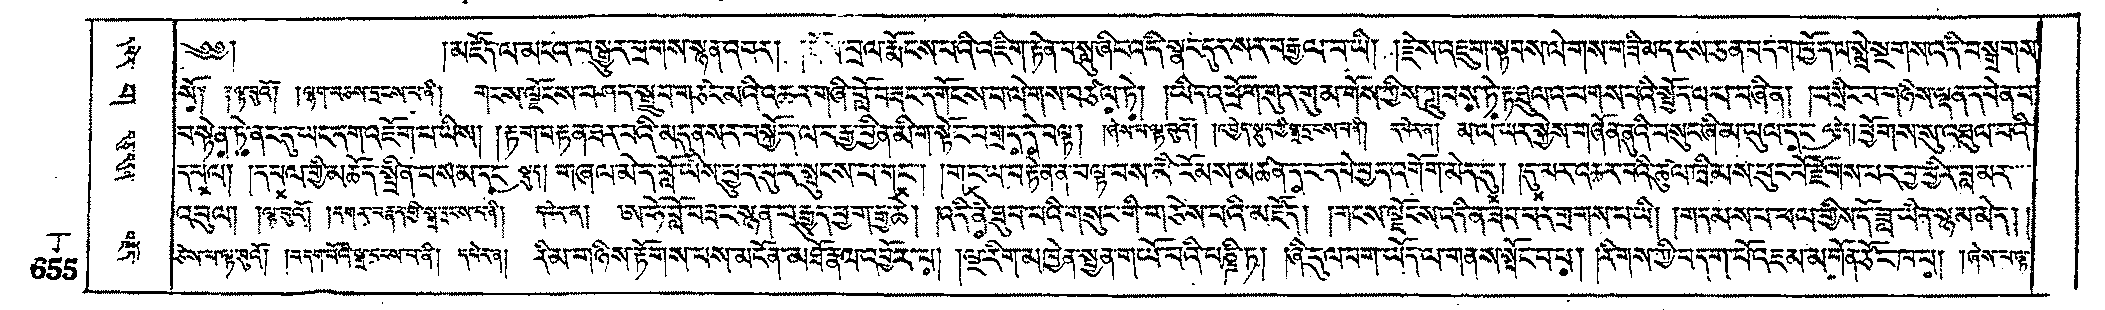༄༅། །མཛོད་ལ་མངའ་བསྒྱུར་གྲགས་སྙན་འབར། །ཐོས་བྲལ་རྨོངས་པའི་འཇིག་རྟེན་བསླུ་ཞིང་འདི་སྣང་དུར་སར་བརྒྱལ་བ་ཡི། །རྗེས་འཇུག་སྟབས་ལེགས་གཟི་མདངས་ཅན་བདག་ཁྱོད་ལ་སྨྲེ་སྔགས་འདི་བསྒྲགས་
སོ༑ ༑ལྟ་བུའོ། །ལྷག་བཅས་དྲངས་པ་ནི།  གངས་ལྗོངས་བཤད་སྒྲུབ་གཙང་མའི་འཆར་གཞི་བློ་བཟང་དགོངས་པ་ལེགས་བཙལ་ཏེ། །ཡིད་འཕྲོག་གུར་གུམ་གོས་ཀྱིས་ཀླུབས་ཏེ་རྟ་ཐུལ་འཕགས་པའི་སྤྱོད་ལམ་བཞིན། །བསྲིང་བ་གཉིས་ལྡན་དབེན་པ་
བསྟེན་ཏེ་ནང་དུ་ཡང་དག་འཇོག་པ་ཡིས། །རྟག་བརྟན་ཐར་བའི་མདུན་སར་བསྐྱོད་ལ་བརྒྱ་བྱིན་མིག་སྟོང་བགྲད་དེ་བལྟ། །ཞེས་པ་ལྟ་བུའོ། །འབྱེད་སྡུད་ཀྱི་སྒྲ་དྲངས་པ་ནི། དཔེར་ན།  མ་ལ་ཡར་སྐྱེས་གཞོན་ནུའི་བསུང་ཞིམ་ཡུལ་འབྱེད་དང་། འབྱེད།  ཕྱོགས་སུ་འཐུལ་བའི་
དཔལ། །དཔལ་གྱི་མཆོད་སྤྲིན་བསམ་དང་སྡུད།  གཞལ་མེད་བློ་ཡིས་ཕྱུར་བུར་སྤུངས་པ་གང་། །གང་ལ་བརྟེན་ན་བལྟ་བས་མི་ངོམས་མཚན་དང་དཔེ་བྱད་འགོག་མེད་དུ། །དུ་མར་འཆར་བའི་ཚུལ་ཁྲིམས་ཕུང་པོ་རྫོགས་པར་བྱ་ཕྱིར་བླ་མར་་་
འབུལ། །ལྟ་བུའོ། །དགར་བརྣན་གྱི་སྒྲ་དྲངས་པ་ནི། དཔེར་ན།  ཨ་ཧོ་བློ་བང་སྙན་བརྒྱུད་ཕྱག་རྒྱ་ཆེ། །འདི་ནི་ཐུབ་པའི་གསུང་གི་གཅེས་པའི་མཛོད། །གངས་ལྗོངས་འདི་ན་ཟབ་པར་གྲགས་པ་ཡི། །གདམས་པ་ཕལ་གྱིས་དོ་ཟླ་ཡིན་སྙམ་མེད། །
ཅེས་པ་ལྟ་བུའོ། །བདག་པོའི་སྒྲ་དྲངས་པ་ནི། དཔེར་ན།  རིམ་གཉིས་རྟོགས་པས་མངོན་མཐོ་རྣལ་འབྱོར་པ། །ལྔ་རིག་མཁྱེན་སྤྱན་གཡོ་བའི་པཎྜི་ཏ། །ཞི་དུལ་བག་ཡོད་ལ་གནས་སྤོང་བ་པ། །རིགས་ཀྱི་བདག་པོ་འཇམ་མགོན་ཙོང་ཁ་པ། །ཞེས་པ་ལྟ་